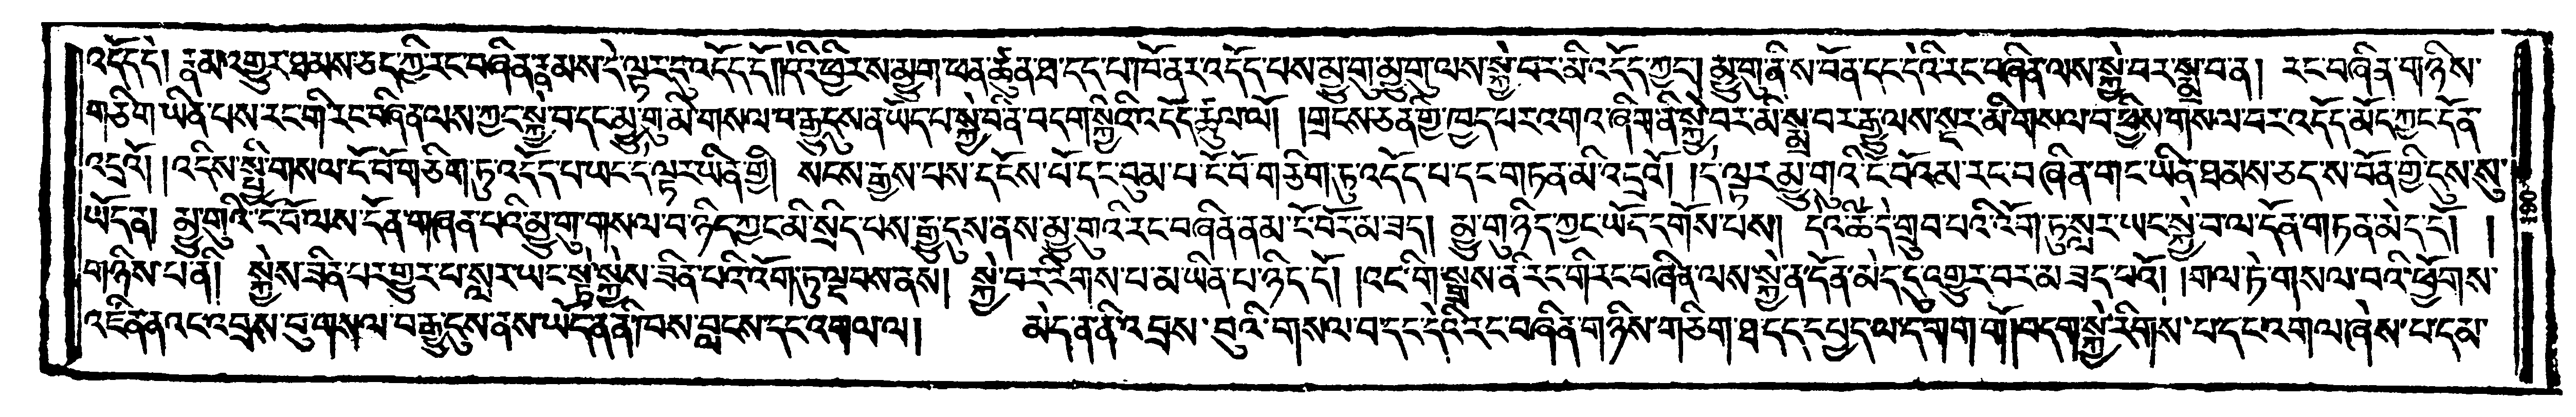འདོད་དེ། རྣམ་འགྱུར་ཐམས་ཅད་ཀྱི་རང་བཞིན་རྣམས་དེ་ལྟར་དུ་འདོད་དོ། །དེའི་ཕྱིར་ས་མྱུག་ཕན་ཚུན་ཐ་དད་པ་ཁོ་ནར་འདོད་པས་མྱུ་གུ་མྱུ་གུ་ལས་སྐྱེ་བར་མི་འདོད་ཀྱང་། མྱུ་གུ་ནི་ས་བོན་དང་དེའི་རང་བཞིན་ལས་སྐྱེ་བར་སྨྲ་བ་ན། རང་བཞིན་གཉིས་
གཅིག་ཡིན་པས་རང་གི་རང་བཞིན་ལས་ཀྱང་སྐྱེ་བ་དང་མྱུ་གུ་མི་གསལ་བ་རྒྱུ་དུས་ན་ཡོད་པ་སྐྱེ་བ་ནི་བདག་སྐྱེའི་འདོད་ཚུལ་ལོ། །གྲངས་ཅན་གྱི་ཁྱད་པར་འགའ་ཞིག་ནི་སྐྱེ་བར་མི་སྨྲ་བར་རྒྱུ་ལས་སྔར་མི་གསལ་བ་ཕྱིས་གསལ་བར་འདོད་མོད་ཀྱང་དོན་
འདྲའོ། །འདིས་སྤྱི་གསལ་ངོ་བོ་གཅིག་ཏུ་འདོད་པ་ཡང་དེ་ལྟར་ཡིན་གྱི། སངས་རྒྱས་པས་དངོས་པོ་དང་བུམ་པ་ངོ་བོ་གཅིག་ཏུ་འདོད་པ་དང་གཏན་མི་འདྲའོ། །དེ་ལྟར་མྱུ་གུའི་ངོ་བོའམ་རང་བཞིན་གང་ཡིན་ཐམས་ཅད་ས་བོན་གྱི་དུས་སུ་
ཡོད་ན། མྱུ་གུའི་ངོ་བོ་ལས་དོན་གཞན་པའི་མྱུ་གུ་གསལ་བ་ཉིད་ཀྱང་མི་སྲིད་པས་རྒྱུ་དུས་ནས་མྱུ་གུའི་རང་བཞིན་ནམ་ངོ་བོར་མ་ཟད། མྱུ་གུ་ཉིད་ཀྱང་ཡོད་དགོས་པས། དེའི་ཚེ་དེ་གྲུབ་པའི་འོག་ཏུ་སླར་ཡང་སྐྱེ་བ་ལ་དོན་གཏན་མེད་དོ།།
གཉིས་པ་ནི། སྐྱེས་ཟིན་པར་གྱུར་པ་སླར་ཡང་སྟེ་སྐྱེས་ཟིན་པའི་འོག་ཏུ་ལྡབས་ནས། སྐྱེ་བར་རིགས་པ་མ་ཡིན་པ་ཉིད་དོ། །འང་གི་སྒྲས་ནི་རང་གི་རང་བཞིན་ལས་སྐྱེ་ན་དོན་མེད་དུ་འགྱུར་བར་མ་ཟད་པའོ། །གལ་ཏེ་གསལ་བའི་ཕྱོགས་
འཛིན་ནའང་འབྲས་བུ་གསལ་བ་རྒྱུ་དུས་ནས་ཡོད་ན་ནི་ཁས་བླངས་དང་འགལ་ལ། མེད་ན་ནི་འབྲས་བུའི་གསལ་བ་དང་དེའི་རང་བཞིན་གཉིས་གཅིག་ཐ་དད་དཔྱད་ལ་དགག་གོ །བདག་སྐྱེ་རིགས་པ་དང་འགལ་ཞེས་པ་དམ་